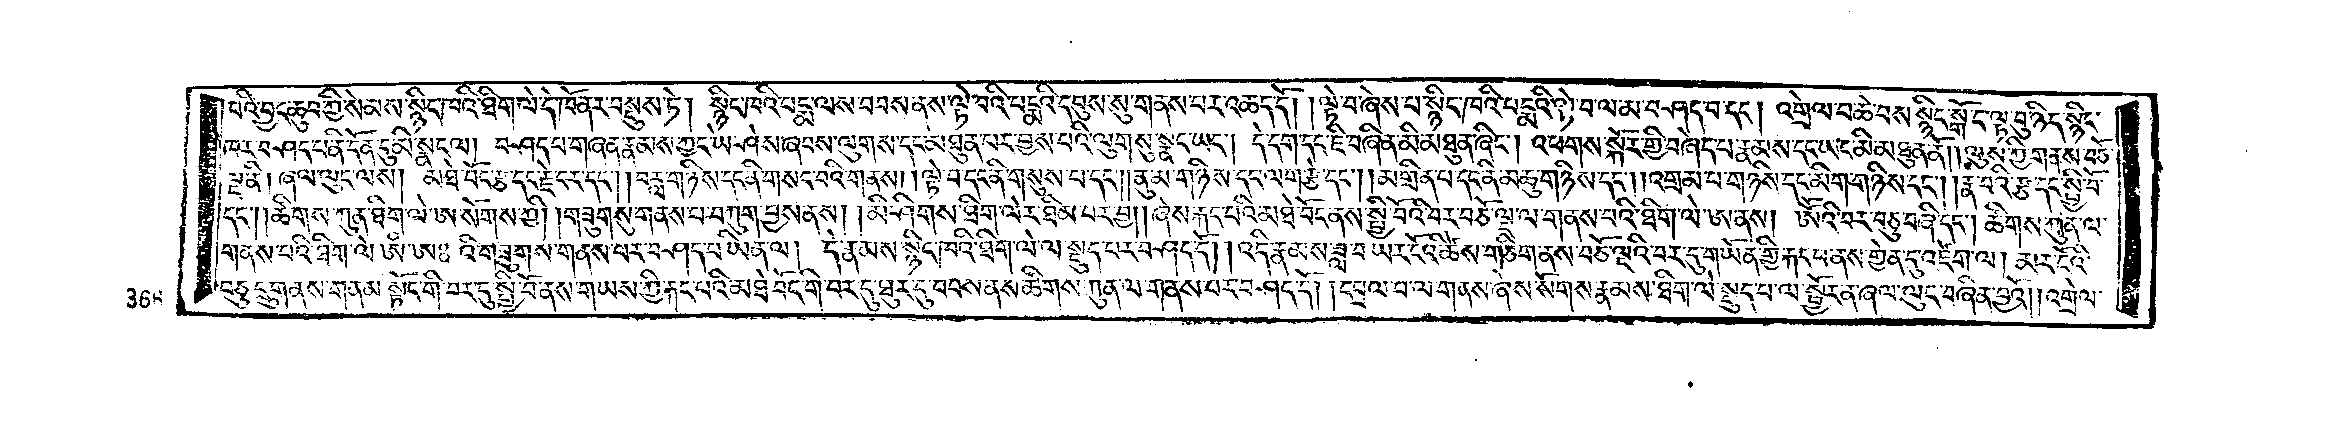པའི་བྱང་ཆུབ་ཀྱི་སེམས་སྙིང་ཁའི་ཐིག་ལེ་དེ་ཁོ་ནར་བསྡུས་ཏེ། སྙིང་ཁའི་པདམ་ལས་བབས་ནས་ལྟེ་བའི་པདམའི་དབུས་སུ་གནས་པར་འཆད་དོ། །ལྟེ་བ་ཞེས་པ་སྙིང་ཁའི་པདམའི་ལྟེ་བ་ལ་མ་བཤད་པ་དང་། འགྲེལ་པ་ཆེ་བས་སྙིང་སྒོ་ང་ལྟ་བུ་ཉིད་སྙིང་
ཁར་བཤད་པ་ནི་དོན་དུ་མི་སྣང་ལ། བཤད་པ་གཞན་རྣམས་ཀྱང་ཡེ་ཤེས་ཞབས་ལུགས་དང་མཐུན་པར་བྱས་པའི་ལུགས་སུ་སྣང་ཡང་། དེ་དག་དང་ཇི་བཞིན་མི་མཐུན་ཞིང་། འཕགས་སྐོར་གྱི་བཞེད་པ་རྣམས་དང་ཡང་མི་མཐུན་ནོ། །ལུས་ཀྱི་གནས་བཅོ་
ལྔ་ནི། ཞལ་ལུང་ལས། མཐེ་བོང་རྩ་དང་རྗེ་ངར་དང་། །བརླ་གཉིས་དང་ནི་གསང་བའི་གནས། །ལྟེ་བ་དང་ནི་གསུས་པ་དང་། །ནུ་མ་གཉིས་དང་ལག་རྩེ་དང་། །མགྲིན་པ་དང་ནི་མཆུ་གཉིས་དང་། །འགྲམ་པ་གཉིས་དང་མིག་གཉིས་དང་། །རྣ་བའི་རྩ་དང་སྤྱི་བོ་
དང་། །ཚིགས་ཀུན་ཐིག་ལེ་ཨ་སོགས་ཀྱི། །གཟུགས་སུ་གནས་པ་བཀུག་བྱས་ནས། །མི་ཤིགས་ཐིག་ལེར་ཐིམ་པར་བྱ། །ཞེས་རྐང་པའི་མཐེ་བོང་ནས་སྤྱི་བོའི་བར་བཅོ་ལྔ་ལ་གནས་པའི་ཐིག་ལེ་ཨ་ནས། ཨཽའི་བར་བཅུ་བཞི་དང་། ཚིགས་ཀུན་ལ་
གནས་པའི་ཐིག་ལེ་ཨཾ་ཨཿ འི་གཟུགས་སུ་གནས་པར་བཤད་པ་ཡིན་ལ། དེ་རྣམས་སྙིང་ཁའི་ཐིག་ལེ་ལ་སྡུད་པར་བཤད་དོ། །འདི་རྣམས་ཟླ་བ་ཡར་ངོའི་ཚེས་གཅིག་ནས་བཅོ་ལྔའི་བར་དུ་གཡོན་གྱི་རྐང་པ་ནས་གྱེན་དུ་འཛེག་ལ། མར་ངོའི་
བཅུ་དྲུག་ནས་གནམ་སྟོང་གི་བར་དུ་སྤྱི་བོ་ནས་གཡས་ཀྱི་རྐང་པའི་མཐེ་བོང་གི་བར་དུ་ཐུར་དུ་བབས་ནས་ཚིགས་ཀུན་ལ་གནས་པར་བཤད་དོ། །དཔྲལ་བ་ལ་གནས་ཞེས་སོགས་རྣམས་ཐིག་ལེ་སྡུད་པ་ལ་སྦྱོར་ན་ཞལ་ལུང་བཞིན་བྱའོ། །འགྲེལ་